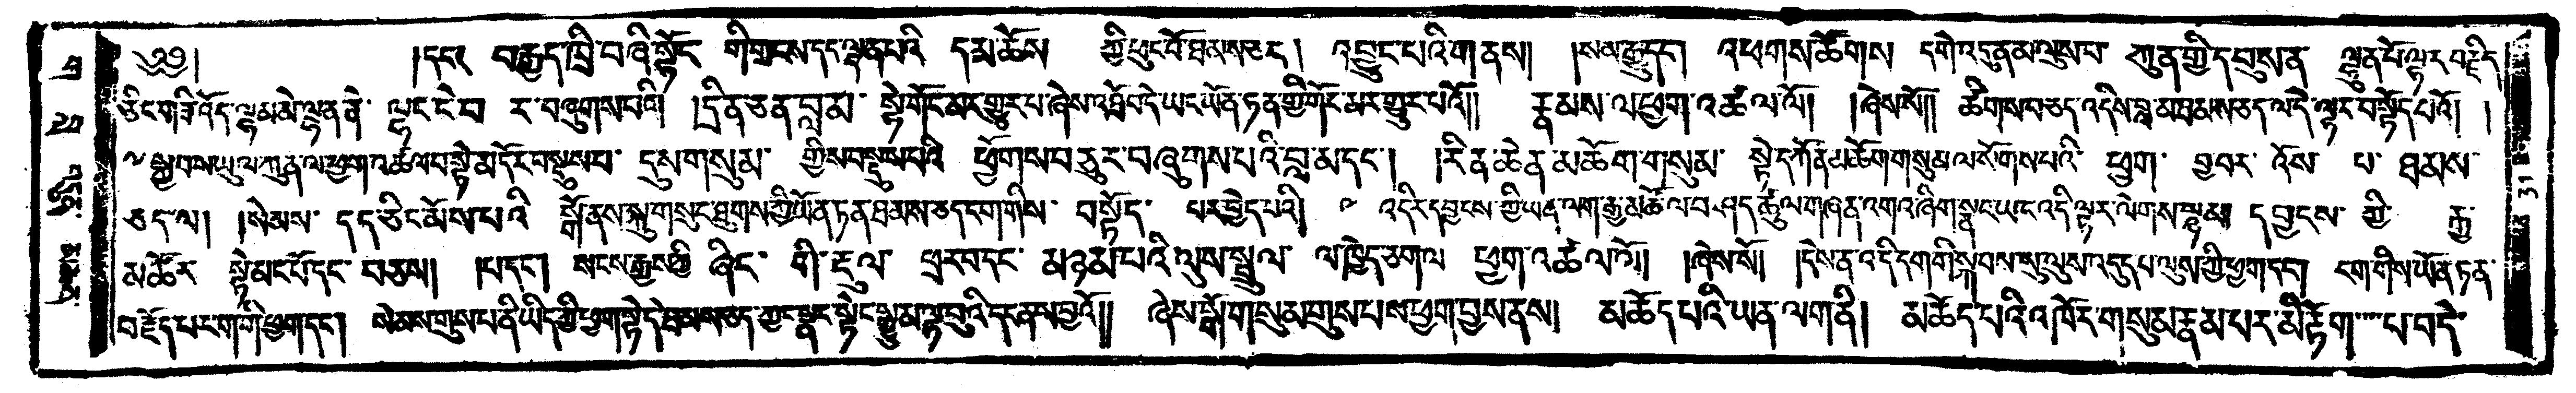༄༅། །དང༑ བརྒྱད་ཁྲི་བཞི་སྟོང་གི་གྲངས་དང་ལྡན་པའི་དམ་ཆོས་ཀྱི་ཕུང་པོ་ཐམས་ཅད། འབྱུང་པའི་གནས། །སམ་རྒྱུ་དང་། འཕགས་ཚོགས་དགེ་འདུན་མ་ལུས་པ་ཀུན་གྱི་དབུས་ན་ལྷུན་པོ་ལྟར་བརྗིད་
ཅིང་གཟི་འོད་ལྷམ་མེ་ལྷན་ནེ་ལྷང་ངེ་བར་བཞུགས་པའི། །དྲིན་ཅན་བླ་མ་སྟེ་གོང་མར་གྱུར་པ་ཞེས་འཐོབ་དེ་ཡང་ཡོན་ཏན་གྱི་གོང་མར་གྱུར་པའོ།། རྣམས་ལ་ཕྱག་འཚལ་ལོ། །ཞེས་སོ།། ཚིགས་བཅད་འདིས་བླ་མ་ཐམས་ཅད་ལ་དེ་ལྟར་བསྟོད་པའོ། །
༧སྐྱབས་ཡུལ་ཀུན་ལ་ཕྱག་འཚལ་བ་སྟེ་མདོར་བསྡུས་པ་དུས་གསུམ་གྱིས་བསྡུས་པའི་ཕྱོགས་བཅུར་བཞུགས་པའི་བླ་མ་དང་། །རིན་ཆེན་མཆོག་གསུམ་སྟེ་དཀོན་མཆོག་གསུམ་ལ་སོགས་པའི་ཕྱག་བྱ་བར་འོས་པ་ཐམས་
ཅད་ལ། །སེམས་དད་ཅིང་མོས་པའི་སྒོ་ནས་སྐུ་གསུང་ཐུགས་ཀྱི་ཡོན་ཏན་ཐམས་ཅད་ངག་གིས་བསྟོད་པར་བྱེད་པའི། ༧་འདིར་དབྱངས་ཀྱི་ཡན་ལག་རྒྱ་མཚོ་ལ་བཤད་ཚུལ་གཞན་འགའ་ཞིག་སྣང་ཡང་འདི་ལྟར་ལེགས་སྙམ། དབྱངས་ཀྱི་རྒྱ་
མཚོར་སྟེ་མང་པོ་དང་བཅས། །པ་དང་། སངས་རྒྱས་ཀྱི་ཞིང་གི་རྡུལ་ཕྲ་རབ་དང་མཉམ་པའི་ལུས་སྦྲུལ་ལ་ཁྱེད་ཅག་ལ་ཕྱག་འཚལ་ལོ། །ཞེས་སོ། །དེས་ན་འདི་དག་གི་སྐབས་སུ་ལུས་འདུད་པ་ལུས་ཀྱི་ཕྱག་དང་། ངག་གིས་ཡོན་ཏན་
བརྗོད་པ་ངག་གི་ཕྱག་དང་། སེམས་གུས་པ་ནི་ཡིད་ཀྱི་ཕྱག་སྟེ་དེ་ཐམས་ཅད་ཀྱང་སྣང་སྟེང་སྒྱུ་མ་ལྟ་བུའི་དང་ནས་བྱའོ།། ཞེས་སྒོ་གསུམ་གུས་པས་ཕྱག་བྱས་ནས། མཆོད་པའི་ཡན་ལག་ནི། མཆོད་པའི་འཁོར་གསུམ་རྣམ་པར་མི་རྟོག་པ་བདེ་